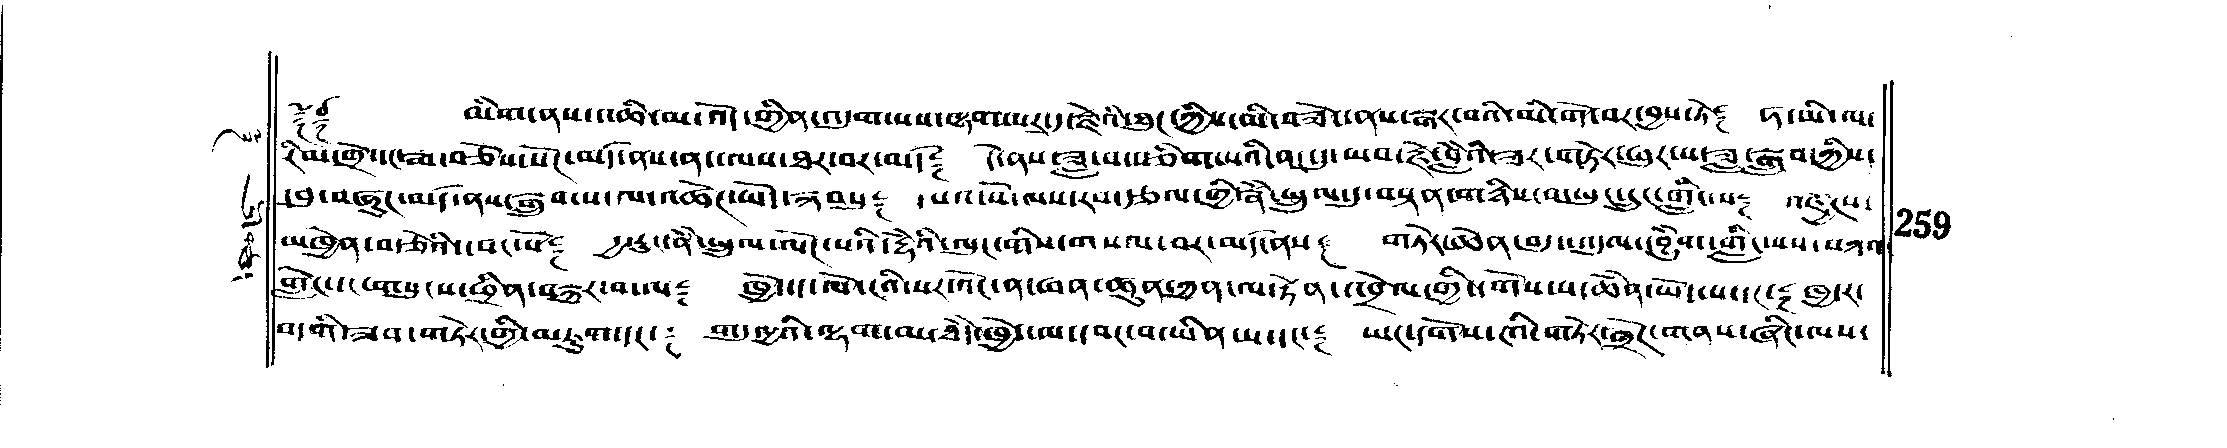མིག་ནས་འཆི་མ་འོང་གྱིན་འདུག་པས་ལྷག་པར་དུ་རྗེའི་ཐུགས་ཀྱིས་མི་བཟོད་ནས་སྒར་པའི་མི་གོ་བར་བྱས་ཏེ། ཧ་ལི་ལ་
རིམ་གྲོ་དང་རྨ་བཅོས་སོགས་མཛད་ནས་ནད་ལས་ཐར་བར་མཛད། དེ་ནས་ཟླ་བ་བཅིག་༼བཅུ་གཅིག?༽པའི་ནང་དུ་ཡབ་རྗེ་བླ་མའི་ཟབ་གཏེར་ཕུར་པ་ཟླ་སྒྲུབ་ཀྱིས་
དབུ་བཞུགས་མཛད་ནས་སྒྲུབ་པ་ལ་འཚོགས་ཡོད་སྐབས་སུ། དཔའ་བོ་ལས་རབ་རྩལ་གྱི་རྣམ་སྤྲུལ་དུ་བསྟན་གཉིས་གཡུང་དྲུང་གླིང་པ། འཇམ་དབྱངས་
མཁྱེན་བརྩེའི་དབང་པོ། རྒྱ་རུང་རྣམ་སྤྲུལ་ལེགས་པའི་རྡོ་རྗེའི་ལུང་གིས་གསལ་བར་མཛད་ནས། གཏེར་ཆེན་བདུད་འདུལ་དབང་ཕྱུག་གླིང་པས་བཀའ་
གླེང་དང་གསུང་ཕྲིན་བསྐུར་བ་ལ། ཁྱོད་ད་ལོ་ངའི་སར་འོང་ན་ཕན་ཚུན་ཀུན་ལ་རྟེན་འབྲེལ་གྱི་དགོས་པ་ཆེན་པོ་ཡོད་པ་དང་། ཁྱད་པར་
བདག་གི་ཟབ་གཏེར་གྱི་མཇུག་དང་། གདུལ་བྱའི་ལྷག་མ་ཐམས་ཅད་ཁྱེད་ལ་དབང་བ་ཡིན་པ་དང་ཡང་སྒོས་ངའི་གཏེར་གྲོགས་གནས་ཞིང་ལས་